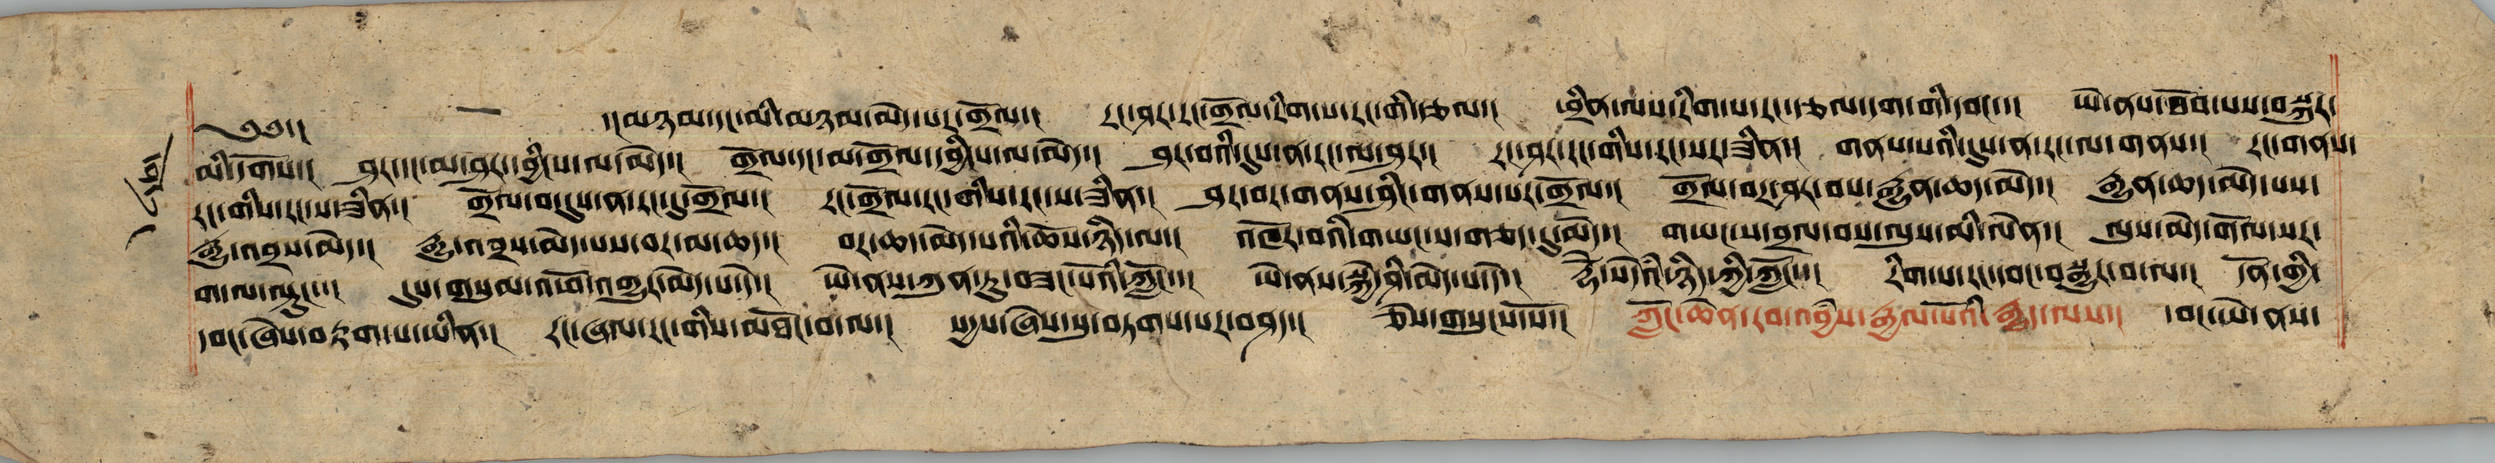༄༅་། ་།མཉམ་དང་མི་མཉམ་མེད་པར་གྲོལ་། རང་ཤར་རང་གྲོལ་རིག་པ་རང་གི་རྩལ་། ཕྲིན་ལས་རིག་པ་རང་རྩལ་དག་གི་དབང་་། ཡེ་ནས་ཐོས་པས་བསྐུར་
མི་དགོས་། ཤར་དང་མ་ཤར་དབྱིངས་ལ་མེད་། གྲོལ་དང་མ་གྲོལ་དབྱིངས་ལ་མེད་། ཤར་བའི་དུས་ན་རང་ལ་ཤར་། རང་ཤར་རང་གིས་རང་སར་ཟིན་། གནས་པའི་དུས་ན་རང་ལ་གནས་། རང་གནས་
རང་གིས་རང་ས་ཡིན་། གྲོལ་དབང་དུས་ན་རང་དུ་གྲོལ་། རང་གྲོལ་རང་གིས་རང་ས་ཟིན། ཤར་བར་གནས་ཤིང་གནས་པར་གྲོལ་། གྲོལ་བར་ཤར་བས་རྒྱུན་ཆད་མེད་། རྒྱུན་ཆད་མེད་པས་
རྒྱུ་འབྲས་མེད་། རྒྱུ་འབྲས་མེད་པས་བར་མ་ཆད་། བར་ཆད་མེད་པའི་ཆོས་ཉིད་ལ་། འཁོར་བའི་གཡང་ས་གཅད་དུ་མོད་། གཡང་ས་བྲལ་བས་ལུས་མི་ལེན་། ལུས་མེད་གོལ་སར་
ག་ལ་ལྟུང་་། དུས་གསུམ་འཕོ་འགྱུར་མེད་པ་དེ་། ཡེ་ནས་ཀུན་ཏུ་བཟང་པོའི་ཀློང་་། ཡེ་ནས་སྐྱེ་ཤི་མེད་པ་དེ་། རྡོེ་སེདཾའ་ཉིད་ཀྱི་ཀློང་་། རིག་པ་རང་དབང་བསྒྱུར་བ་ལ་། དོན་གྱི་
དབང་ཞེས་བརྟག་པ་ཡིན་། རང་ཞལ་རང་གིས་མཐོང་བ་ལ་། སདྱས་ཞེས་སུ་བཏགས་པར་བཤད་། ཅེས་གསུངས་སོ་། ཀློང་ཆེན་རབ་འབྱཾས་རྒྱལ་པོའི་རྒྱུད་ལས་། དབང་ཡེ་ནས་